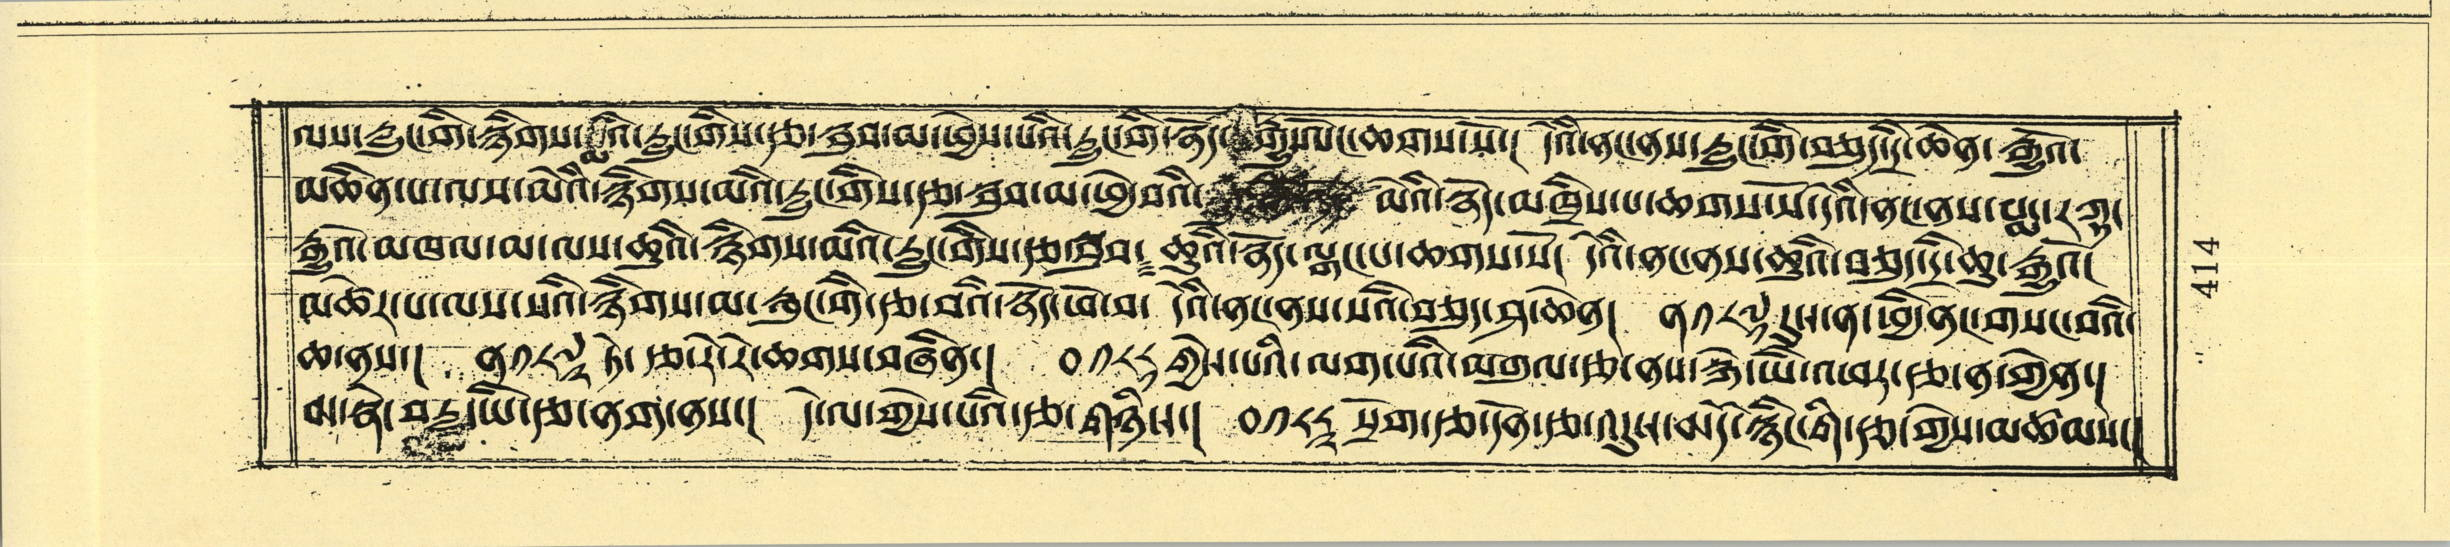ལས་རླུང་གི་སྙིགས་མའི་རྩ་སྦུབས་མ་ཕྱེས་པའི་རླུང་གི་སྣོད་རྒྱུ་ལོང་ཆགས་སོ། དེའི་ནང་ནས་རླུང་གི་བཅུད་དྲི་ཆེན་ རྒྱུའོ། 
མཆིན་པ་ལས་མེའི་སྙིགས་མའི་རླུང་གིས་རྩ་སྦུབས་མ་ཕྱེ་བའི་མེའི་སྣོད་མཁྲིས་པ་ཆགས་སོ། དེའི་ནང་ནས་པདྨ་རཀྟ་
རྒྱུའོ། མཁལ་མ་ལས་ཆུའི་སྙིགས་མའི་རླུང་གི་རྩ་སྦུབས་ཆུའི་སྣོད་ལྒང་པ་ཆགས་སོ། དེའི་ནང་ནས་ཆུའི་བཅུད་དྲི་ཆུ་རྒྱུའོ། 
མཚེར་པ་ལས་སའི་སྙིགས་མ་རླུང་གི་རྩ་བའི་སྣོད་ཕོ་བ་ དེའི་ནང་ནས་སའི་བཅུད་ཤ་ཆེན་ ན༡༨༧།༡༼དུས་ན༽ཕྱི་ནང་གསང་བའི་
ཆ་ནས་ ༡༨༧།༢ ཏེ་རྩ་རེ་རེ་ཆགས་བཞིན་བ༡༨༨།༡༼གྱེས་པའི༽ལག་པའི་འགུལ་རྩ་ནས་རྐེ་ཡི་འཕར་རྩ་ན་གྱེན་
མ་སྣེ་བརླ་ཡི་རྩ་ནག་ནས་དེ་ལས་གྱེས་པའི་རྩ་༼གཉིས༽བ༡༨༨།༢སྲོག་རྩ་དོན་རྩ་༼འདུས་མདོ་སྙིང་གི་རྩ༽གྱེས་མཚམས་